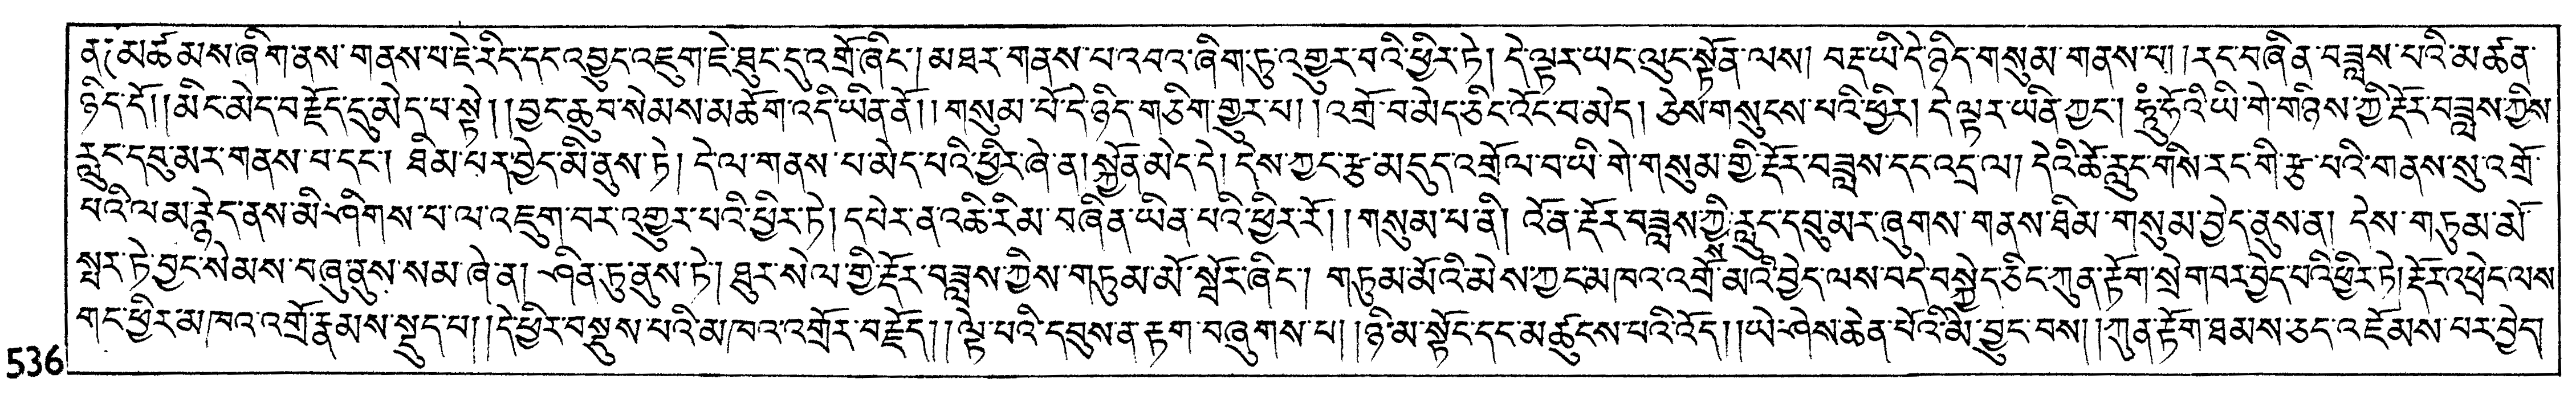ན༑ མཚམས་ཞིག་ནས་གནས་པ་ཇེ་རིང་དང་འབྱུང་འཇུག་ཇེ་ཐུང་དུ་འགྲོ་ཞིང་། མཐར་གནས་པ་འབའ་ཞིག་ཏུ་འགྱུར་བའི་ཕྱིར་ཏེ། དེ་ལྟར་ཡང་ལུང་སྟོན་ལས། བརྡ་ཡི་དེ་ཉིད་གསུམ་གནས་པ། །རང་བཞིན་བཟླས་པའི་མཚན་
ཉིད་དོ། །མིང་མེད་བརྗོད་དུ་མེད་པ་སྟེ། །བྱང་ཆུབ་སེམས་མཆོག་འདི་ཡིན་ནོ། །གསུམ་པོ་དེ་ཉིད་གཅིག་གྱུར་པ། །འགྲོ་བ་མེད་ཅིང་འོང་བ་མེད། ཅེས་གསུངས་པའི་ཕྱིར། དེ་ལྟར་ཡིན་ཀྱང་། ཧཱུཾ་ཧོའི་ཡི་གེ་གཉིས་ཀྱི་རྡོར་བཟླས་ཀྱིས་
རླུང་དབུ་མར་གནས་པ་དང་། ཐིམ་པར་བྱེད་མི་ནུས་ཏེ། དེ་ལ་གནས་པ་མེད་པའི་ཕྱིར་ཞེ་ན། སྐྱོན་མེད་དེ། དེས་ཀྱང་རྩ་མདུད་འགྲོལ་བ་ཡི་གེ་གསུམ་གྱི་རྡོར་བཟླས་དང་འདྲ་ལ། དེའི་ཚེ་རླུང་གིས་རང་གི་རྩ་བའི་གནས་སུ་འགྲོ་
པའི་ལམ་རྙེད་ནས་མི་ཤིགས་པ་ལ་འཇུག་བར་འགྱུར་པའི་ཕྱིར་ཏེ། དཔེར་ན་འཆི་རིམ་བཞིན་ཡིན་པའི་ཕྱིར་རོ། །གསུམ་པ་ནི། འོ་ན་རྡོར་བཟླས་ཀྱིས་རླུང་དབུ་མར་ཞུགས་གནས་ཐིམ་གསུམ་བྱེད་ནུས་ན། དེས་གཏུམ་མོ་
སྤར་ཏེ་བྱང་སེམས་བཞུ་ནུས་སམ་ཞེ་ན། ཤིན་ཏུ་ནུས་ཏེ། ཐུར་སེལ་གྱི་རྡོར་བཟླས་ཀྱིས་གཏུམ་མོ་སྦོར་ཞིང་། གཏུམ་མོའི་མེས་ཀྱང་མཁའ་འགྲོ་མའི་བྱེད་ལས་བདེ་བསྐྱེད་ཅིང་ཀུན་རྟོག་སྲེག་བར་བྱེད་པའི་ཕྱིར་ཏེ། རྡོར་འཕྲེང་ལས་
གང་ཕྱིར་མཁའ་འགྲོ་རྣམས་སྡུད་པ། །དེ་ཕྱིར་བསྡུས་པའི་མཁའ་འགྲོར་བརྗོད། །ལྟེ་པའི་དབུས་ན་རྟག་བཞུགས་པ། །ཉི་མ་སྟོང་དང་མཚུངས་པའི་འོད། །ཡེ་ཤེས་ཆེན་པོའི་མེ་བྱུང་བས། །ཀུན་རྟོག་ཐམས་ཅད་འཇོམས་པར་བྱེད།